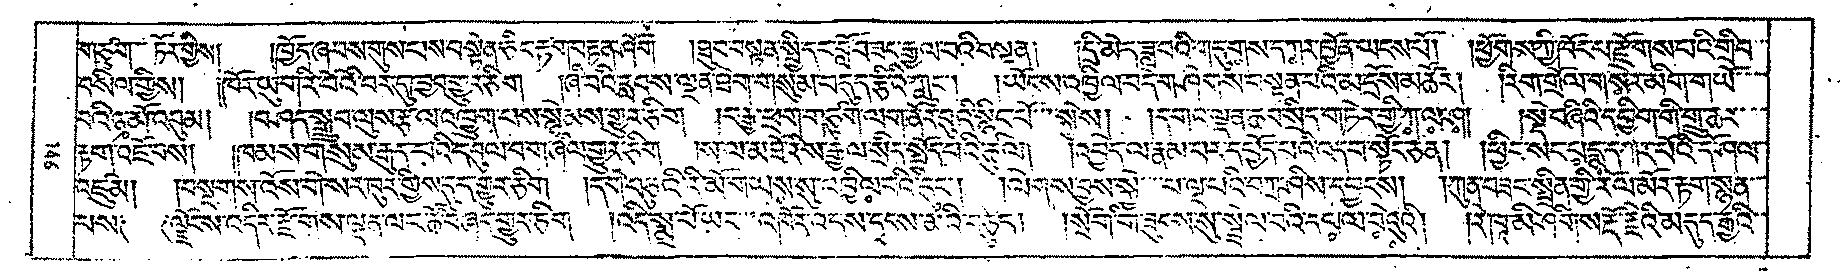གཙུག་ཏོར་གྱིས། །ཁྱོད་ཞབས་གུས་པས་བསྟེན་ཅིང་རྟག་བརྟན་ཤོག །ཐུབ་བསྟན་སྤྱི་དང་བློ་བཟང་རྒྱལ་བའི་བསྟན། །དྲི་མེད་ཟླ་བའི་གདུགས་དཀར་ཁྱོན་ཡངས་པོ། །ཕྱོགས་ཀྱི་ཁོང་པ་རྫོགས་པའི་གྲིབ་
བསིལ་གྱིས། །ཁོར་ཡུག་རི་བོའི་བར་དུ་ཁྱབ་གྱུར་ཅིག །ཞི་བའི་རླབས་ལྡན་ཐེག་གསུམ་བདུད་རྩིའི་ཀླུང་། །ཡོངས་འཁྱིལ་བདེ་གཤེགས་བསྟན་པའི་མ་དྲོས་མཚོར། །རིག་གྲོལ་གསེར་མིག་གཡོ་
བའི་ཉ་མོ་འབུམ། །བཤད་སྒྲུབ་ལུས་རྩལ་འཁྱུག་པས་སྙེམས་གྱུར་ཅིག །བརྒྱ་ཕྲག་གཙུག་ལག་ནོར་བུའི་སྙིང་པོ་སྐྱེས། །དགའ་ལྡན་ཆབ་སྲིད་གཏེར་གྱི་ཀ་ལ་ཤ། །སྡེ་བཞིའི་དབྱིག་གི་གྲུ་ཆར་
རྟག་འཇོ་བས། །ཁམས་གསུམ་རྒུད་པའི་དབུལ་བ་གཞིལ་གྱུར་ཅིག །ས་ལ་མཐོ་རིས་རྒྱལ་སྲིད་སྤྱོད་པའི་ཚུལ། །འབྱེད་ལ་རྣམ་པར་དཔྱོད་པའི་འདབ་སྟོང་ཅན། །ཕྱིང་སང་པདམ་དཀར་པོའི་དོ་ཤལ་
འཛུམ། །བསྔགས་འོས་གེ་སར་ཁུར་གྱིས་དུད་གྱུར་ཅིག །དགེ་བཅུའི་རི་མོ་གཡས་སུ་འཁྱིལ་བའི་དུང་། །ལེགས་བྱས་སྐྱེ་པ་ལྔ་པའི་བཀྲ་ཤིས་དབྱངས། །ཀུན་བཟང་སྤྲིན་གྱི་རོལ་མོར་རྟག་སྙན་
པས༑ ༑ལྗོངས་འདིར་རྫོགས་ལྡན་ལང་ཚོ་བཞད་གྱུར་ཅིག །འདི་སྨྲ་པོ་ཡང་འཁོར་འདས་དྭངས་མའི་བཅུད། །སྲོག་གི་ཟུངས་སུ་སྦྲེལ་བའི་དཔལ་བེའུའི། །རེ་ཁཱ་མི་ཤིགས་རྡོ་རྗེའི་མདུད་རྒྱའི་